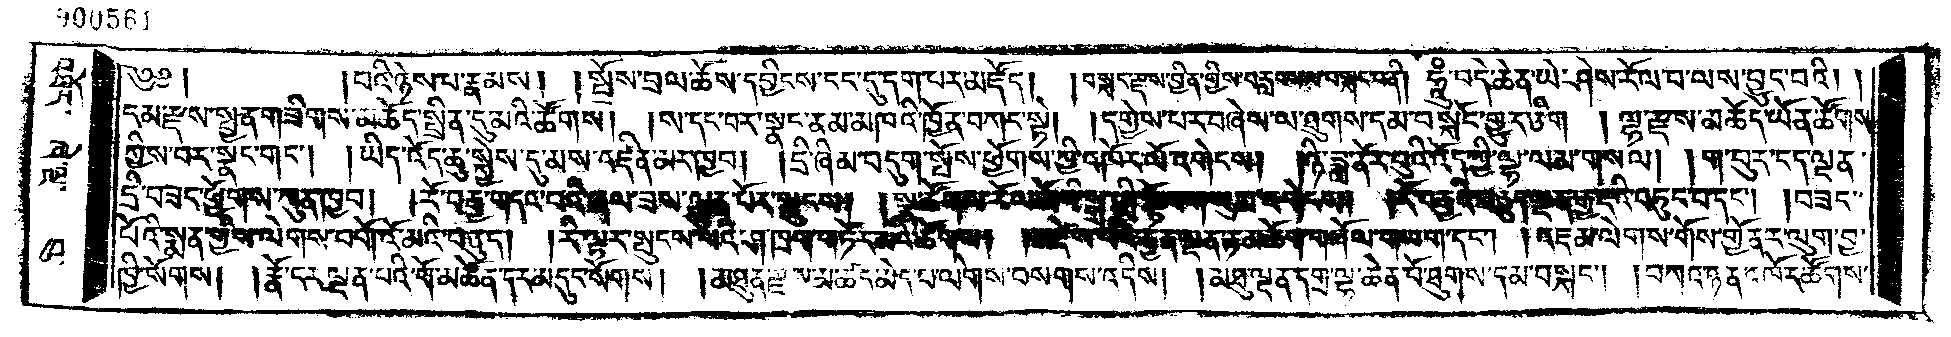༄༅། །པའི་ཉེས་པ་རྣམས། །སྤྲོས་བྲལ་ཆོས་དབྱིངས་ངང་དུ་དག་པར་མཛོད། ། བསྐང་རྫས་བྱིན་གྱིས་བརླབས་ལ་བསྐང་པ་ནི།  ཧཱུཾ་བདེ་ཆེན་ཡེ་ཤེས་རོལ་པ་ལས་བྱུང་བའི། །
དམ་རྫས་སྤྱན་གཟིགས་མཆོད་སྤྲིན་དུ་མའི་ཚོགས། །ས་དང་བར་སྣང་ནམ་མཁའི་ཁྱོན་བཀང་སྟེ། །དགྱེས་པར་བཞེས་ལ་ཐུགས་དམ་བསྐོང་གྱུར་ཅིག །ལྷ་རྫས་མཆོད་ཡོན་ཚོགས་
ཀྱིས་བར་སྣང་གང་། །ཡིད་འོད་ཆུ་སྐྱེས་དུ་མས་འཛིན་མར་ཁྱབ། །དྲི་ཞིམ་བདུག་སྤོས་ཕྱོགས་ཀྱི་འཁོར་ལོ་འགེངས། །ཉི་ཟླ་ནོར་བུའི་འོད་ཀྱི་ལྷ་ལམ་གསལ། །ག་པུར་ངད་ལྡན་
དྲི་བཟང་ཕྱོགས་ཀུན་ཁྱབ། །རོ་བརྒྱ་གདའ་བའི་ཞལ་ཟས་ལྷུན་པོར་སྤུངས། །སྣ་ཚོགས་རོལ་མོའི་སྒྲ་ཡིས་སྟོང་གསུམ་འགེངས། །རོ་བརྒྱའི་བཅུད་ལྡན་རྒྱ་ཇའི་བཏུང་བ་དང་། །བཟང་
པོའི་སྨན་གྱིས་ལེགས་བགོ་འོ་མའི་བཅུད། །རི་ལྟར་སྤུངས་པའི་ཤ་ཁྲག་གཏོར་མའི་ཚོགས། །མཛེས་པའི་རྒྱན་ལྡན་རྟ་མཆོག་གཞོལ་གཡག་དང་། །འཇམ་ལེགས་གོས་གྱོན་ར་ལུག་བྱ་
ཁྱི་སོགས། །རྣོ་ངར་ལྡན་པའི་གོ་མཚོན་དར་མདུང་སོགས། །མཐུན་རྫས་མ་ཚང་མེད་པ་ལེགས་བསགས་འདིས། །མཐུ་ལྡན་དགྲ་ལྷ་ཆེན་པོ་ཐུགས་དམ་བསྐང་། །བཀའ་ཉན་འཁོར་ཚོགས་